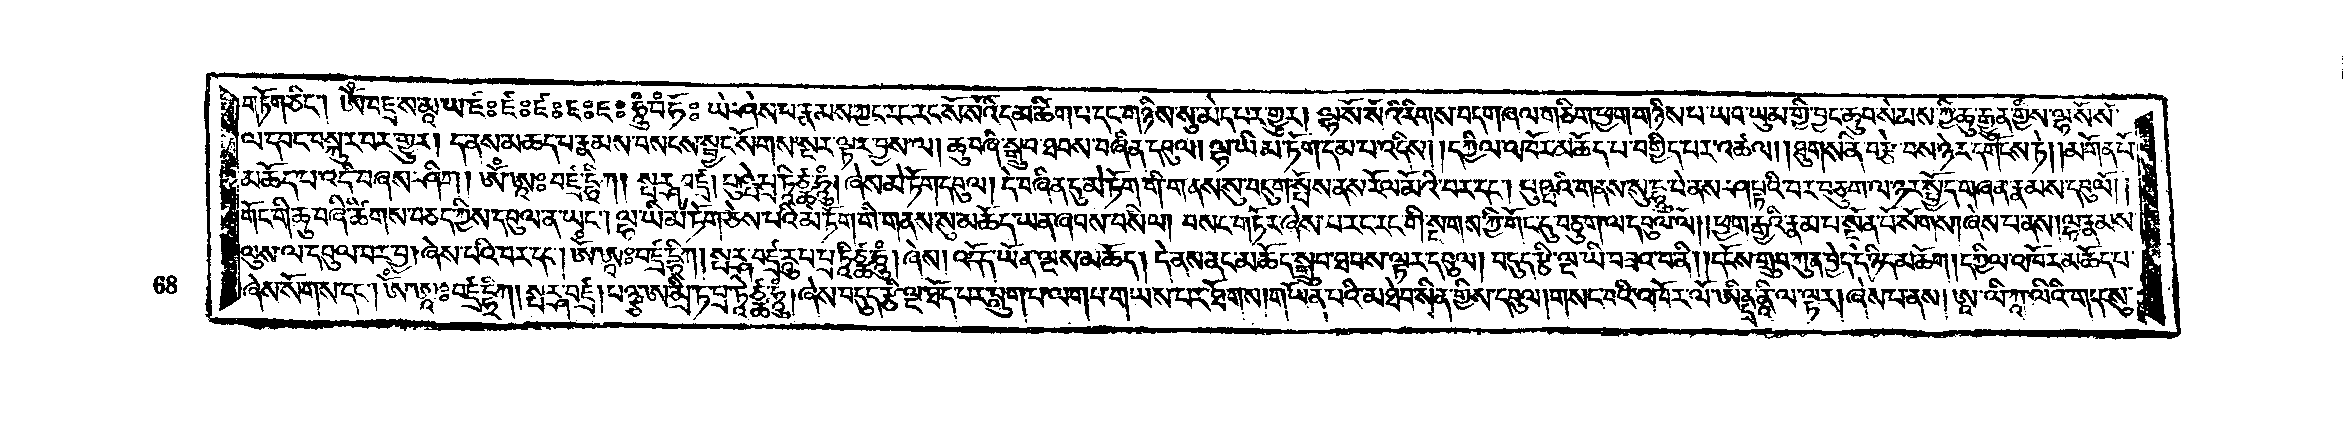གཏོག་ཅིང་། ཨོཾ་བཛྲ་ས་མཱ་ཡ་ཛཿ ཛཿ ཛཿ ཛཿ ཛཿ ཧཱུཾ་བཾ་ཧོཿ ཡེ་ཤེས་པ་རྣམས་ཀྱང་རང་རང་སོ་སོའི་དམ་ཚིག་པ་དང་གཉིས་སུ་མེད་པར་གྱུར། ལྷ་སོ་སོའི་རིགས་བདག་ཞལ་གཅིག་ཕྱག་གཉིས་པ་ཡང་ཡུམ་གྱི་བྱང་ཆུབ་སེམས་ཀྱི་ཆུ་རྒྱུན་གྱིས་ལྷ་སོ་སོ་
ལ་དབང་བསྐུར་བར་གྱུར། དེ་ནས་མཆོད་པ་རྣམས་བསངས་སྦྱང་སོགས་སྔར་ལྟར་བྱས་ལ། ཆུ་བཞི་སྒྲུབ་ཐབས་བཞིན་དབུལ། ལྷ་ཡི་མེ་ཏོག་དམ་པ་འདིས། །དཀྱིལ་འཁོར་མཆོད་པ་བགྱིད་པར་འཚལ། །ཐུགས་ནི་བརྩེ་བས་ཉེར་དགོངས་ཏེ། །མགོན་པོ་
མཆོད་པ་འདི་བཞས་ཤིག །ཨོཾ་ཨཱཿ བཛྲ་དྷྲི་ཀ། སྤརྴ་བཛྲ། པུཥྤེ་པྲ་ཏཱི་ཙྪ་ཧཱུཾ། ཞེས་མེ་ཏོག་དབུལ། དེ་བཞིན་དུ་མེ་ཏོག་གི་གནས་སུ་བདུག་སྤོས་ནས་རོལ་མོའི་བར་དང་། པུཥྤའི་གནས་སུ་དྷཱུ་པེ་ནས་ཤཔྟའི་བར་བཅུག་ལ་ཉར་སྤྱོད་གཞན་རྣམས་དབུལ་ལོ། །
གོང་གི་ཆུ་བཞི་ཚིགས་བཅད་ཀྱིས་དབུལ་ན་ཡང་། ལྷ་ཡི་མེ་ཏོག་ཅེས་པའི་མེ་ཏོག་གི་གནས་སུ་མཆོད་ཡོན་ཞབས་བསིལ། བསང་གཏོར་ཞེས་པ་རང་རང་གི་སྔགས་ཀྱི་གོང་དུ་བཅུག་ལ་དབུལ་ལོ། །ཕྱག་རྒྱའི་རྣམ་པ་སྔོན་པོ་སོགས། ཞེས་པ་ནས། ལྷ་རྣམས་
ལུས་ལ་དབུལ་བར་བྱ། ཞེས་པའི་བར་དང་། ཨོཾ་ཨཱཿ བཛྲ་དྷྲི་ཀ། སྤརྴ་བཛྲ་རཱུ་པ་པྲ་ཏཱི་ཙྪ་ཧཱུཾ། ཞེས། འདོད་ཡོན་ལྔས་མཆོད། དེ་ནས་ནང་མཆོད་སྒྲུབ་ཐབས་ལྟར་དབུལ། བདུད་རྩི་ལྔ་ཡི་བཟའ་བ་ནི། །དངོས་གྲུབ་ཀུན་བྱེད་དེ་ཉིད་མཆོག །དཀྱིལ་འཁོར་མཆོད་པ་
ཞེས་སོགས་དང་། ཨོཾ་ཨཱཿ བཛྲ་དྷྲི་ཀ། སྤར་ཥ་བཛྲ། པཉྩ་ཨ་མྲི་ཏ་པྲ་ཏཱི་ཙྪ་ཧཱུཾ། ཞེས་བདུད་རྩི་ལྔ་ཐོད་པར་བླུག་པ་ལག་པ་གཡས་པར་ཐོགས། གཡོན་པའི་མཐེབ་སྲིན་གྱིས་དབུལ། གསང་བའི་འཁོར་ལོ་ཨིནྡྲ་ནཱི་ལ་ལྟར། ཞེས་པ་ནས། ཨཱ་ལི་ཀཱ་ལིའི་གདངས་སུ་